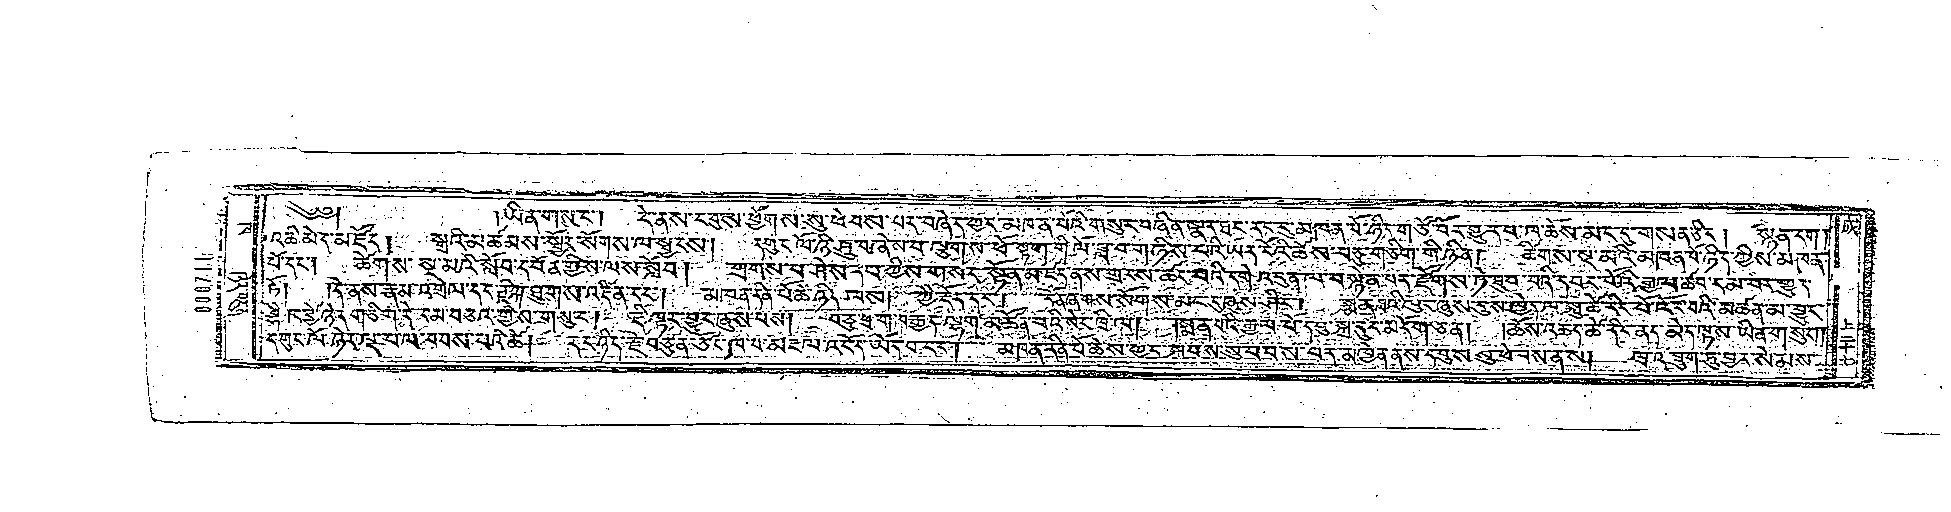༄༅། །ཡིན་གསུང་། དེ་ནས་དབུས་ཕྱོགས་སུ་ཕེབས་པར་བཞེད་ཀྱང་མཁན་པོའི་གསུང་བཞིན་སྣར་ཐང་རང་དུ་མཁན་པོ་ཉིད་གཙོ་བོར་གྱུར་པ་ལ་ཆོས་མང་དུ་གསན་ཅིང་། སྙན་དག།
འཆི་མེད་མཛོད། སྒྲའི་མཚམས་སྦྱོར་སོགས་ལ་སྦྱངས། དགུང་ལོ་ཉི་ཤུ་བཞེས་པ་ལྕགས་ཕོ་སྟག་གི་ལོ་ཟླ་བ་གཉིས་པའི་ཡར་ངོའི་ཚེས་བཅུ་གཅིག་གི་ཉིན། ཚེགས་སྔ་མའི་མཁན་པོ་ཉིད་ཀྱིས་མཁན་
པོ་དང་། ཚེགས་སྔ་མའི་སློབ་དཔོན་གྱིས་ལས་སློབ། གྲགས་པ་ཤེས་རབ་ཀྱིས་གསང་སྟོན་མཛད་ནས་གྲངས་ཚང་བའི་དགེ་འདུན་ལ་བསྙེན་པར་རྫོགས་ཏེ་ཐུབ་པའི་དབང་བོའི་རྒྱལ་ཚབ་དམ་བར་གྱུད་
ཏོ། །དེ་ནས་རྣམ་འགྲེལ་དང་ཊཱིཀྐ་ཐུགས་འཛིན་དང་། མཁན་རིན་པོ་ཆེ་ཉིད་ལས། ཀྱཻ་རྡོར་དང་། དོན་ཞགས་སོགས་མང་དུ་ཞུས་ཤིང་། སྨན་བླའི་ལུང་ཞུས་དུས་ཁྱེད་ལ་སྐུ་ཚེ་རིང་པོ་འོང་བའི་མཚན་མ་བྱུང་
བྷཻ་ཥ་ཛྱེ་ཉེར་གཅིག་རེ་དམ་བཅའ་གྱིས་གསུང་། ཇི་ལྟར་བྱུང་ཞུས་པས། བཅུ་ཕྲག་བརྒྱད་ལྷག་མཚོན་པའི་སེང་ཁྲི་ལ། །སྨན་པའི་རྒྱལ་པོ་དབུ་སྐྲ་དུང་མདོག་ཅན། །ཆོས་འཆད་ཚེ་རིང་ནད་མེད་ལྟས་ཡིན་གསུང།།
དགུང་ལོ་ཉེར་ལྔ་པ་ལ་བབས་པའི་ཚེ། རང་ཉིད་རྗེ་བཙུན་ཙོང་ཁ་པ་མཇལ་འདོད་ཡོད་བ་དང་། མཁན་རིན་པོ་ཆེས་ཀྱང་སྐབས་སུ་བབས་པར་མཁྱེན་ནས་དབུས་སུ་ཕེབས་ནས། ཁྲ་འབྲུག་ཏུ་བྱང་སེམས་